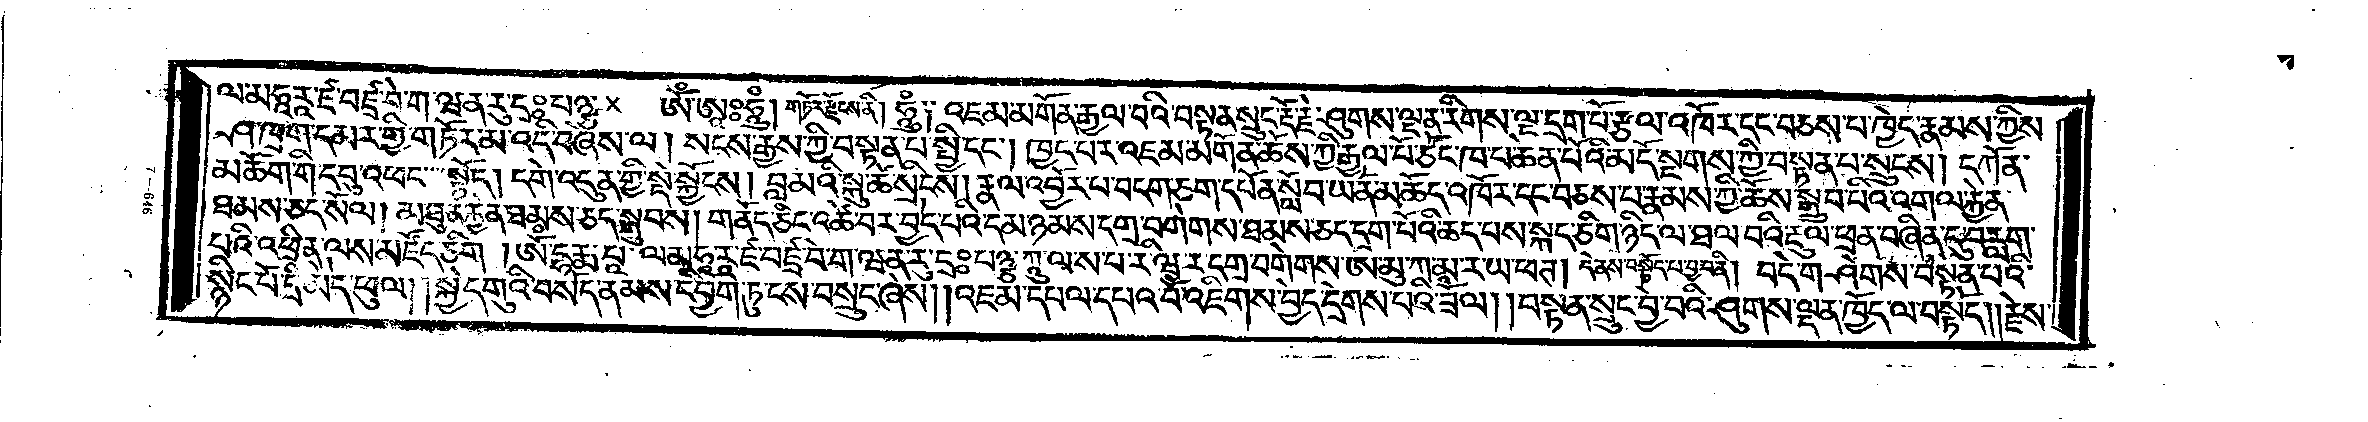ལ་མྷཱ་རཱ་ཛ་བཛྲ་བེ་ག་ཝན་རུ་དྲཿ པྙྩ་ཀཱུ་ལ་ཨོཾ་ཨཱཿ ཧཱུཾ། གཏོར་རྫོངས་ནི།  ཧཱུཾ༑ འཇམ་མགོན་རྒྱལ་བའི་བསྟན་སྲུང་རྡོ་རྗེ་ཤུགས་ལྡན་རིགས་ལྔ་དྲག་པོ་རྩལ་འཁོར་དང་བཅས་པ་ཁྱེད་རྣམས་ཀྱིས་
ཤ་ཁྲག་དམར་གྱི་གཏོར་མ་འདི་བཞེས་ལ། སངས་རྒྱས་ཀྱི་བསྟན་པ་སྤྱི་དང་། ཁྱད་པར་འཇམ་མགོན་ཆོས་ཀྱི་རྒྱལ་པོ་ཙོང་ཁ་པ་ཆེན་པོའི་མདོས་ངགས་ཀྱི་བསྟན་པ་སྲུངས། དཀོན་
མཆོག་གི་དབུ་འཕང་སྟོད། དགེ་འདུན་གྱི་སྡེ་སྐྱོངས། བླ་མའི་སྐུ་ཚེ་སྲིངས། རྣལ་འབྱོར་པ་བདག་ཅག་དཔོན་སློབ་ཡོན་མཆོད་འཁོར་དང་བཅས་པ་རྣམས་ཀྱི་ཆོས་སྒྲུབ་པའི་འགལ་རྐྱེན་
ཐམས་ཅད་ཚོལ། མཐུན་རྐྱེན་ཐམས་ཅད་སྒྲུབས། གནོད་ཅིང་འཚེ་བར་བྱེད་པའི་དམ་ཉམས་དགྲ་བགེགས་ཐམས་ཅད་དྲག་པོའི་ཆད་པས་སྐད་ཅིག་ཉིད་ལ་ཐལ་བའི་རྡུལ་ཕྲན་བཞིན་དུ་བརླག་
པའི་འཕྲིན་ལས་མཛོད་ཅིག །ཨོཾ་དྷརྨ་པཱ་ལ་མྷཱ་རཱ་ཛ་བཛྲ་བེ་ག་ཝན་རུ་དྲཿ པཉྩ་ཀཱུ་ལ་ས་པ་རི་ཝ་ར་དགྲ་བགེགས་ཨ་མུ་ཀ་མ་ར་ཡ་ཕཊ། དེ་ནས་བསྟོད་པ་བྱ་བ་ནི།  བདེ་གཤེགས་བསྟན་པའི་
སྙིང་པོ་དྲི་མེད་ཕུལ། །སྐྱེ་དགུའི་བསོད་ནམས་དབྱིག་ཏུ་ངས་བསྲུང་ཞེས། །འཇམ་དཔལ་དཔའ་བོ་འཇིགས་བྱེད་དྲེགས་པའི་ཟོལ། །བསྟན་སྲུང་བྱེ་བའི་ཤུགས་ལྡན་ཁྱོད་ལ་བསྟོད། །རྗེས་